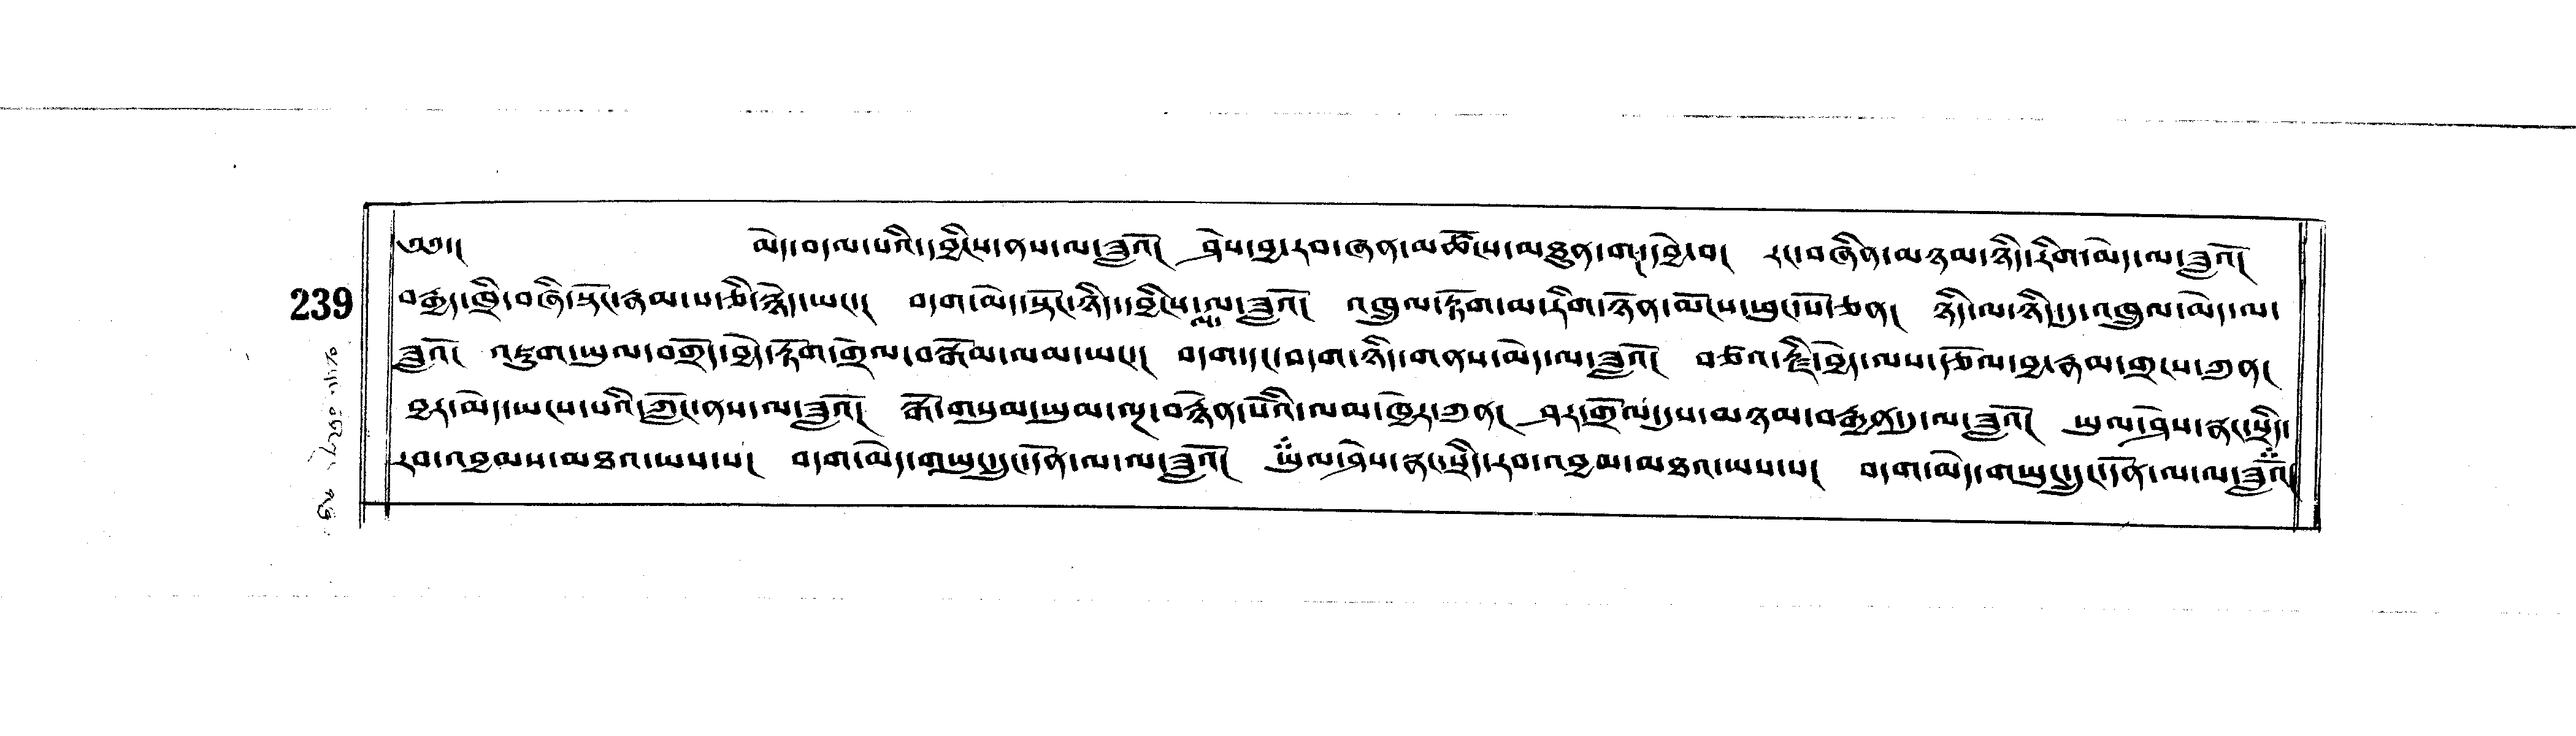མེད་བདལ་པའི་དབྱིངས་ནས་ལ་བཟླའོ། ཤེས་བྱ་རབ་ཞན་མཚོན་མཐུན་གང་དབྱེ་བ། རང་བཞིན་མཉམ་ཉིད་རིག་མེད་ལ་བཟླའོ། 
བརྒྱད་ཁྲི་བཞི་སྟོང་རྣམ་པ་ཅི་སྙེད་ཡང་། བདག་མེད་སྟོང་ཉིད་དབྱིངས་ལ་ལ་བཟླའོ། འཁྲུལ་རྟོག་མ་རིག་ཉོན་མོངས་ཕུང་པོ་ཅན། ཉིད་ལ་ཉིད་དུ་འཁྲུལ་མེད་ལ་
བཟླའོ། བཙའ་རྫི་བྱེད་ལས་རྩོལ་བྱ་རྣམ་གྲངས་ཀུན། 
བྱར་མེད་ཡངས་པའི་ཀློང་ནས་ལ་བཟླའོ། སྒོ་གསུམ་ཡུལ་ལྔ་གཉེན་པོའི་ལམ་ཁྱེར་ཀུན། ཤར་གྲོལ་དུས་མཉམ་རྒྱན་དུ་ལ་བཟླའོ། ཡུལ་ཤེས་སྣང་སྲིད་
རབ་འབྱམས་མཐའ་ཡས་པ། བདག་མེད་གཡུང་དྲུང་དོན་ལ་ལ་བཟླའོ།